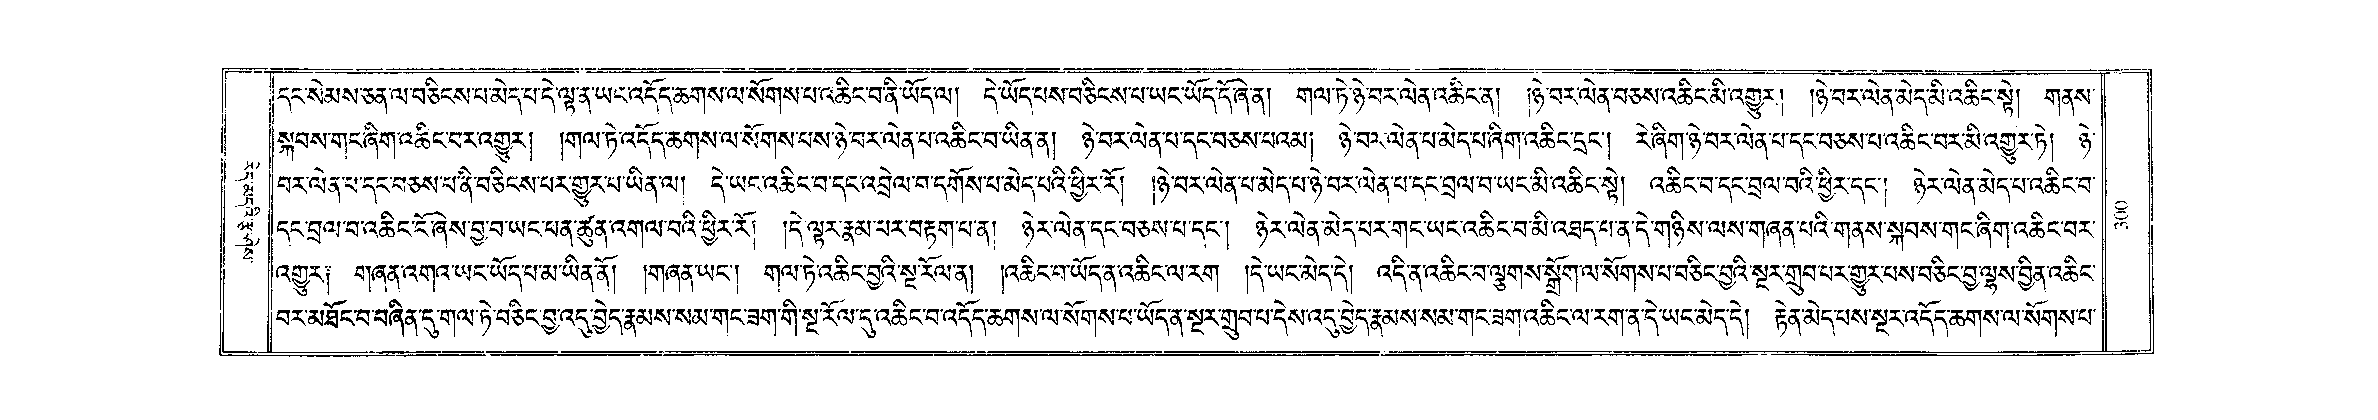དང་སེམས་ཅན་ལ་བཅིངས་པ་མེད་པ་དེ་ལྟ་ན་ཡང་འདོད་ཆགས་ལ་སོགས་པ་འཆིང་བ་ནི་ཡོད་ལ། དེ་ཡོད་པས་བཅིངས་པ་ཡང་ཡོད་དོ་ཞེ་ན། གལ་ཏེ་ཉེ་བར་ལེན་འཆིང་ན། །ཉེ་བར་ལེན་བཅས་འཆིང་མི་འགྱུར། །ཉེ་བར་ལེན་མེད་མི་འཆིང་སྟེ། གནས་
སྐབས་གང་ཞིག་འཆིང་བར་འགྱུར། །གལ་ཏེ་འདོད་ཆགས་ལ་སོགས་པས་ཉེ་བར་ལེན་པ་འཆིང་བ་ཡིན་ན། ཉེ་བར་ལེན་པ་དང་བཅས་པའམ། ཉེ་བར་ལེན་པ་མེད་པ་ཞིག་འཆིང་དྲང་། རེ་ཞིག་ཉེ་བར་ལེན་པ་དང་བཅས་པ་འཆིང་བར་མི་འགྱུར་ཏེ། ཉེ་
བར་ལེན་པ་དང་བཅས་པ་ནི་བཅིངས་པར་གྱུར་པ་ཡིན་ལ། དེ་ཡང་འཆིང་བ་དང་འབྲེལ་བ་དགོས་པ་མེད་པའི་ཕྱིར་རོ། །ཉེ་བར་ལེན་པ་མེད་པ་ཉེ་བར་ལེན་པ་དང་བྲལ་བ་ཡང་མི་འཆིང་སྟེ། འཆིང་བ་དང་བྲལ་བའི་ཕྱིར་དང་། ཉེར་ལེན་མེད་པ་འཆིང་བ་
དང་བྲལ་བ་འཆིང་ངོ་ཞེས་བྱ་བ་ཡང་ཕན་ཚུན་འགལ་བའི་ཕྱིར་རོ། །དེ་ལྟར་རྣམ་པར་བརྟག་པ་ན། ཉེར་ལེན་དང་བཅས་པ་དང་། ཉེར་ལེན་མེད་པར་གང་ཡང་འཆིང་བ་མི་འཐད་པ་ན་དེ་གཉིས་ལས་གཞན་པའི་གནས་སྐབས་གང་ཞིག་འཆིང་བར་
འགྱུར༑ གཞན་འགའ་ཡང་ཡོད་པ་མ་ཡིན་ནོ། །གཞན་ཡང་། གལ་ཏེ་ཆིང་བྱའི་སྔ་རོལ་ན། །འཆིང་བ་ཡོད་ན་འཆིང་ལ་རག །དེ་ཡང་མེད་དེ། འདི་ན་འཆིང་བ་ལྕགས་སྒྲོག་ལ་སོགས་པ་བཅིང་བྱའི་སྔར་གྲུབ་པར་གྱུར་པས་བཅིང་བྱ་ལྷས་བྱིན་འཆིང་
བར་མཐོང་བ་བཞིན་དུ་གལ་ཏེ་བཅིང་བྱ་འདུ་བྱེད་རྣམས་སམ་གང་ཟག་གི་སྔ་རོལ་དུ་འཆིང་བ་འདོད་ཆགས་ལ་སོགས་པ་ཡོད་ན་སྔར་གྲུབ་པ་དེས་འདུ་བྱེད་རྣམས་སམ་གང་ཟག་འཆིང་ལ་རག་ན་དེ་ཡང་མེད་དེ། རྟེན་མེད་པས་སྔར་འདོད་ཆགས་ལ་སོགས་པ་